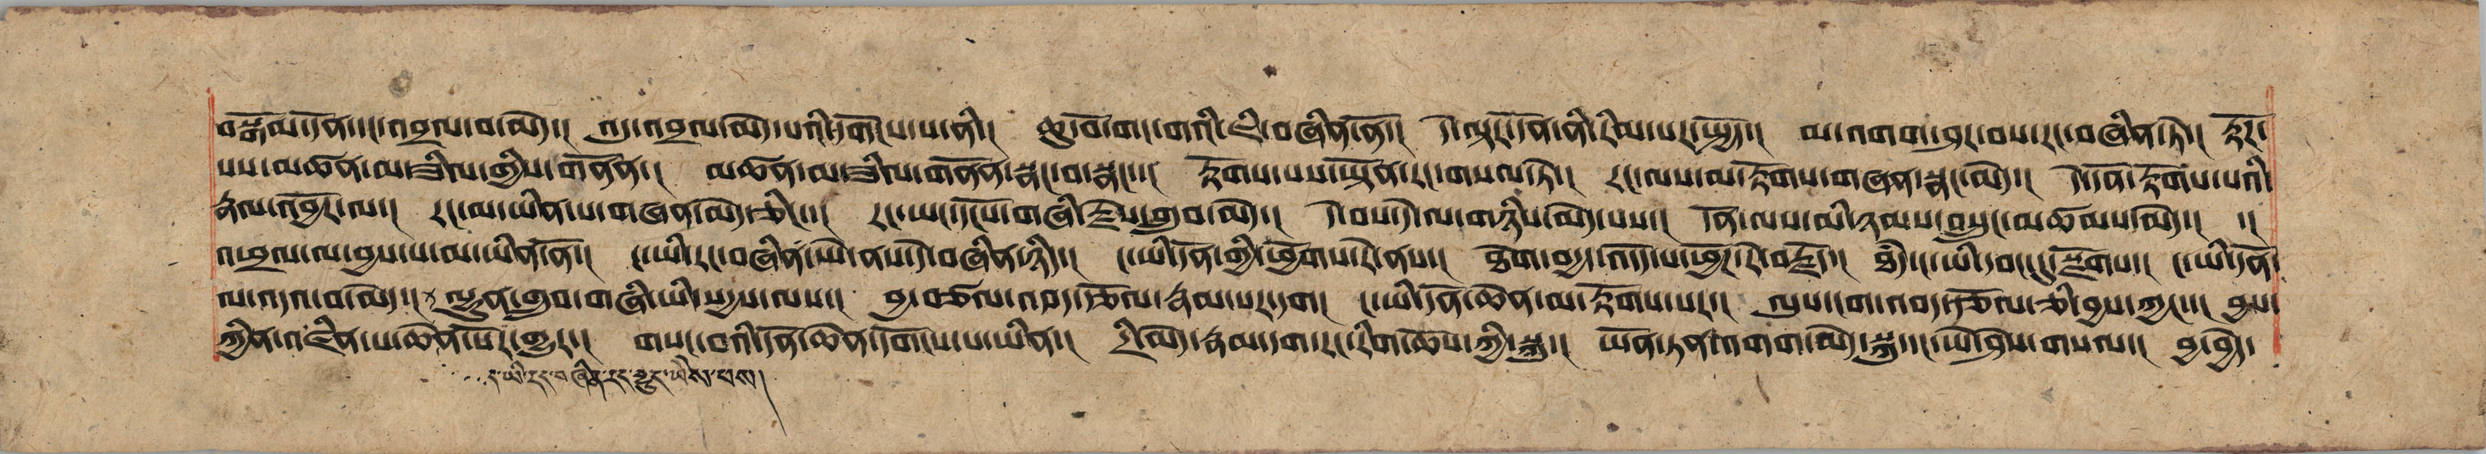བསྒོམ་དོན་དང་འབྲལ་བ་མེད་། འདུ་འབྲལ་མེད་པའི་དགོངས་པ་ནི་། ཆུ་བོ་གང་གའི་ཇི་བཞིན་ནོ་། དེ་ལྟར་དོན་ནི་རིམ་པར་སྤྱོད་། མ་འགག་ཤར་བས་རང་བཞིན་ཏེ་། རྟོཌ་
པས་མཚན་མ་ཟིལ་གྱིས་གནོན་། མཚན་མ་ཟིལ་གནོན་སྣང་བ་སྣང་་། རྟོགས་པས་ཡྟོན་རང་གསལ་ཏེ་། རང་ལས་མ་རྟོགས་གཞན་སྣང་མེད་། དེ་དོན་རྟོགས་པའི་
རྣལ་འབྱོར་ལ་། རང་མ་ཡིན་པ་གཞན་མེད་ཅིང་་། རང་ཡང་དངོས་བཞི་རྗེས་གྲུབ་མེད་། དེ་བས་དེ་ལ་གཉིས་མེད་པས་། དོན་ལས་མི་ཉམས་བསྲུང་མཚམས་མེད་། ་།
འཕྲལ་ལ་བྱས་པ་མ་ཡིན་ནོ་། ང་ཡི་རང་བཞིན་ཡེ་ནས་དེ་བཞིན་ཉིད་། ང་ཡི་དོན་གྱི་ཕྱོགས་རེ་ནས་། ཐེག་བདྱད་འདོད་པ་ཕྱོཌ་རེ་བརྗོད་། ཐཾད་ང་ཡི་དབང་དུ་སྫོགས་། ང་ཡི་དོན་
ལ་འདའ་བ་མེད་། ལྷུན་གྲུབ་གཞི་ཡི་སདྱས་ལས་། བྱ་བཙལ་འབད་རྩོལ་རྣམ་པར་དག། ང་ཡི་དོན་ཆེན་མ་རྟོགས་པར་། ལུས་ངག་འབད་རྩོལ་ཅི་བྱས་ཀྱང་་། བྱས་
ཀྱིན་འཛིན་པ་ཆེན་པོར་གྱུར་། གསང་བའི་དོན་ཆེན་དགོངས་པ་ཡིན་། དྲི་མེད་རྣམ་དག་རང་རིག་ཆོས་ཀྱི་སྐུ་། ཡོན་ཏན་འགག་མེད་སྐུ་དང་ཡེ་ཤེས་གསལ་། བྱ་བྱེད་